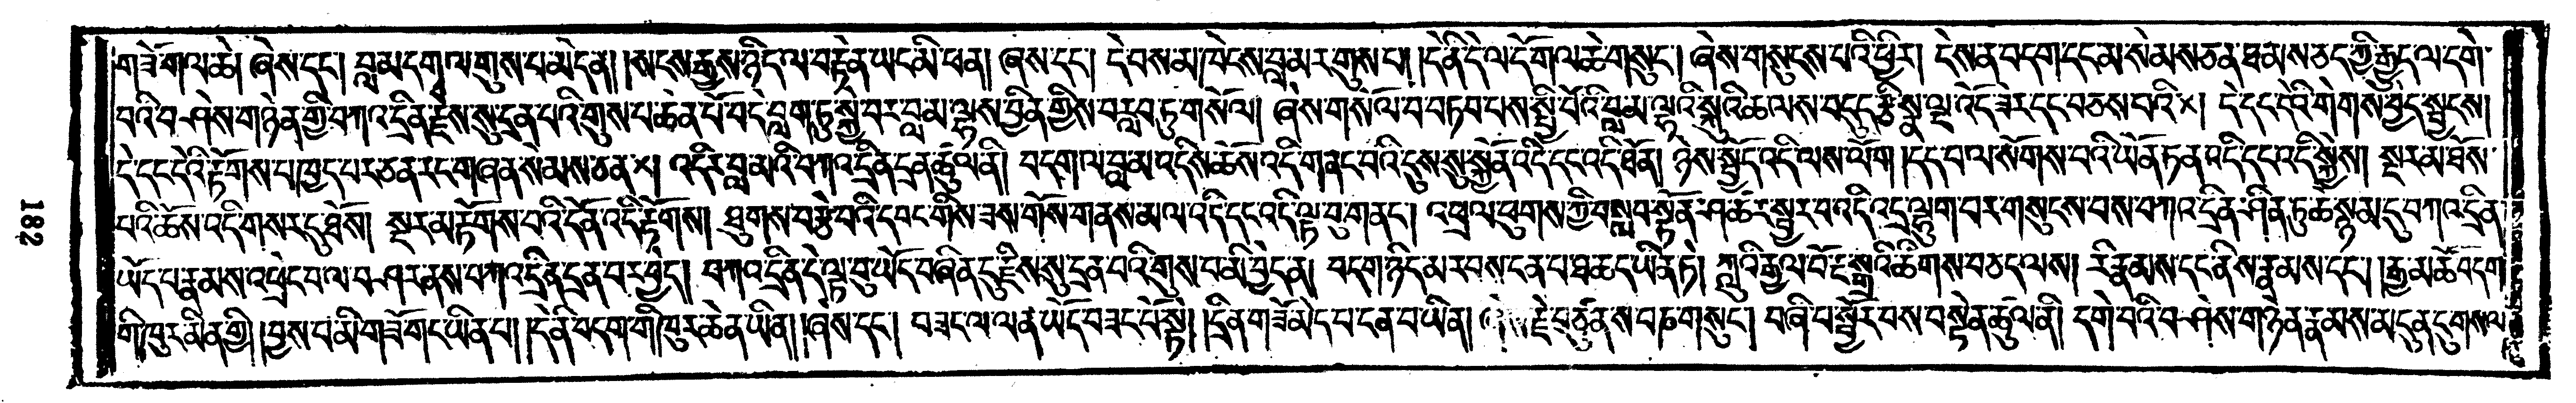གཟོ་གལ་ཆེ། ཞེས་དང་། བླ་མ་དགྭ་ལ་གུས་པ་མེད་ན། །སངས་རྒྱས་ཉིད་ལ་བརྟེན་ཡང་མི་ཕན། ཞེས་དང་། དེ་བས་མ་ཁེངས་བླ་མར་གུས་པ། །དེ་ནི་དེ་ལ་དོ་གལ་ཆེ་གསུང་། ཞེས་གསུངས་བའི་ཕྱིར། ངེས་ན་བདག་དང་མ་སེམས་ཅན་ཐམས་ཅད་ཀྱི་རྒྱུད་ལ་དགེ་
བའི་བཤེས་གཉེན་གྱི་བཀའ་དྲིན་རྗེས་སུ་དྲན་པའི་གུས་པ་ཆེན་པོ་བདེ་བླག་ཏུ་སྐྱེས་བར་བླ་མ་ལྷས་བྱིན་གྱིས་བརླབ་ཏུ་གསོལ། ཞེས་གསོལ་བ་བཏབ་པས་སྤྱི་བོའི་བླ་མ་ལྷའི་སྐུའི་ཆ་ལས་བདུད་རྩི་སྣ་ལྔ་འོད་ཟེར་དང་བཅས་བའི་྾། དེ་དང་དེའི་གེགས་བྱེད་སྦྱངས།
དེ་དང་དེའི་རྟོགས་པ་ཁྱད་པར་ཅན་རང་གཞན་སེམས་ཅན་྾། འདིར་བླ་མའི་བཀའ་དྲིན་དྲན་ཚུལ་ནི། བདག་ལ་བླ་མ་འདིས་ཆོས་འདི་གནང་བའི་དུས་སུ་སྐྱོན་འདི་དང་འདི་ཐོན། ཉེས་སྤྱོད་འདི་ལས་ལོག །དད་བལ་སོགས་པའི་ཡོན་ཏན་འདི་དང་འདི་སྐྱེས། སྔར་མ་ཐོས་
བའི་ཆོས་འདི་གསར་དུ་ཐོས། སྔར་མ་རྟོགས་པའི་དོན་འདི་རྟོགས། ཐུགས་བརྩེ་བའི་དབང་གིས་ཟས་གོས་གནས་མལ་འདི་དང་འདི་ལྟ་བུ་གནང་། འཕྲལ་ཕུགས་ཀྱི་བསླབ་སྟོན་ཤ་ཚར་སྦྱར་བ་འདི་འདྲ་ལྷུག་བར་གསུངས་བས་བཀའ་དྲིན་ཤིན་ཏུ་ཆ་སྙམ་དུ་བཀའ་དྲིན་
ཡོད་པ་རྣམས་འཕྲེང་བ་ལ་བཤར་ནས་བཀའ་དྲིན་དྲན་པར་བྱེད། བཀའ་དྲིན་དེ་ལྟ་བུ་ཡོད་བཞིན་དུ་རྗིས་སུ་དྲན་པའི་གུས་པ་མི་བྱེད་ན། བདག་ཉིད་མ་རབས་ངན་པ་ཐ་ཆད་ཡིན་ཏེ། ཀླུའི་རྒྱལ་བོ་རྔ་སྒྲའི་ཚིགས་བཅད་ལས། རི་རྣམས་དང་ནིས་རྣམས་དང་། །རྒྱ་མཚོ་བདག་
གི་ཁུར་མིན་གྱི། །བྱས་པ་མི་གཟོ་གང་ཡིན་པ། །དེ་ནི་བདག་གི་ཁུར་ཆེན་ཡིན། །ཞེས་དང་། བཟང་ལ་ལན་ཡོད་བཟང་པོ་སྟེ། །དྲིན་གཟོ་མེད་པ་ངན་བ་ཡིན། ཞེས་རྗེ་བཙུན་ས་བཎ་གསུང་། བཞི་པ་སྦྱོར་བས་བསྟེན་ཚུལ་ནི། དགེ་བའི་བཤེས་གཉེན་རྣམས་མདུན་དུ་གསལ་